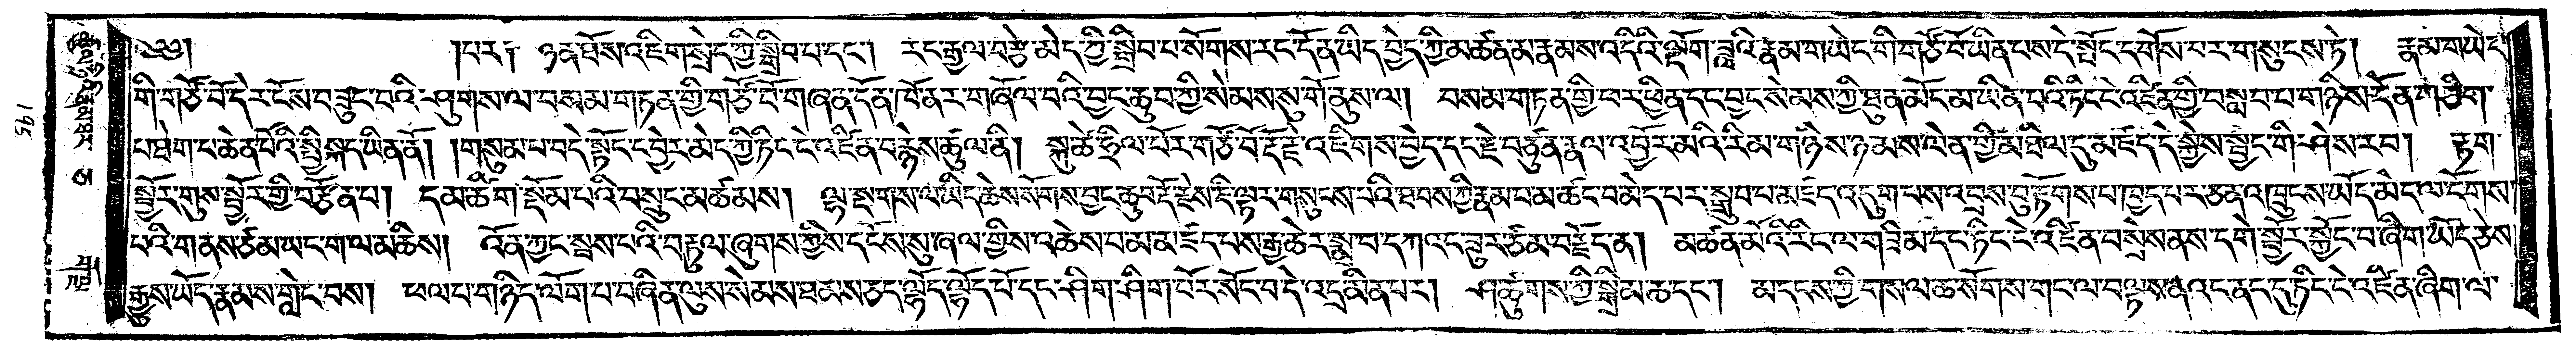༄༅། །པར༑ ཉན་ཐོས་འཇིག་སྲེད་ཀྱི་སྒྲིབ་པ་དང་། རང་རྒྱལ་བརྩེ་མེད་ཀྱི་སྒྲིབ་པ་སོགས་རང་དོན་ཡིད་བྱེད་ཀྱི་མཚན་མ་རྣམས་འདིའི་ལྡོག་ཟླའི་རྣམ་གཡེང་གི་གཙོ་བོ་ཡིན་པས་དེ་སྤོང་དགོས་བར་གསུངས་ཏེ། རྣམ་གཡེང་
གི་གཙོ་བོ་དེར་ངོས་བཟུང་བའི་ཤུགས་ལ་བསམ་གཏན་གྱི་གཙོ་བོ་གཞན་དོན་ཁོ་ནར་གཞོལ་བའི་བྱང་ཆུབ་ཀྱི་སེམས་སུ་གོ་ནུས་ལ། བསམ་གཏན་གྱི་ཕར་ཕྱིན་དང་བྱང་སེམས་ཀྱི་ཐུན་མོང་མ་ཡིན་པའི་ཏིང་ངེ་འཛིན་གྱི་བསླབ་པ་གཉིས་དོན་གཅིག་
པ་ཐེག་པ་ཆེན་བོའི་སྤྱི་སྐད་ཡིན་ནོ། །གསུམ་པ་བདེ་སྟོང་དབྱེར་མེད་ཀྱི་ཏིང་ངེ་འཛིན་བརྙེས་ཚུལ་ནི། སྐུ་ཚེ་ཁྲིལ་པོར་གཙོ་བོ་རྡོ་རྗེ་འཇིགས་བྱེད་དང་རྗེས་བཙུན་རྣལ་འབྱོར་མའི་རིམ་གཉིས་ཉམས་ལེན་གྱི་མཐིལ་དུ་མཛད་དེ་སྐྱེས་སྦྱང་གི་ཤེས་རབ། རྟག་
སྦྱོར་གུས་སྦྱོར་གྱི་བརྩོན་པ། དམ་ཚིག་སྡོམ་པའི་བསྲུང་མཚམས། ལྷ་སྔགས་ལ་ཡིད་ཆེས་སོགས་བྱང་ཆུབ་རྡོ་རྗེས་ཇི་ལྟར་གསུངས་པའི་ཐབས་ཀྱི་རྣམ་པ་མ་ཚང་བ་མེད་པར་སྒྲུབ་པ་མཛད་འདུག་པས་འབྲས་བུ་རྟོགས་པ་ཁྱད་པར་ཅན་འཁྲུངས་ཡོད་མེད་ལ་དགོས་
པའི་གནས་ཙམ་ཡང་གལ་མཆིས། འོན་ཀྱང་སྦས་པའི་བརྟུལ་ཞུགས་ཀྱིས་དངོས་སུ་ཞལ་གྱིས་འཆེས་བམ་མཛད་པས་རྒྱ་ཆེར་སྨྲ་བ་དཀའང?་ཟུར་ཙམ་བརྗོད་ན། མཚན་མོའི་རིང་ལ་གཟིམ་དང་ཏིང་ངེ་འཛིན་བསྲེས་ནས་དགེ་སྦྱོར་སྐྱོང་བ་ཞིག་ཡོད་ཅེས་
རྒྱུས་ཡོད་རྣམས་གླེང་བས། ཕལ་པ་གཉིད་ལོག་པ་བཞིན་ལུས་སེམས་ཐམས་ཅད་ལྷོད་ལྷོད་པོ་དང་ཤིག་ཤིག་པོར་སོང་བ་དེ་འདྲ་མིན་པར། ཤ་ཚུགས་ཀྱི་སྒྲིམ་ཆ་དང་། མདངས་ཀྱི་གསལ་ཆ་སོགས་གང་ལ་བལྟས་ནའང་ནང་དུ་ཏིང་ངེ་འཛིན་ཞིག་ལ་